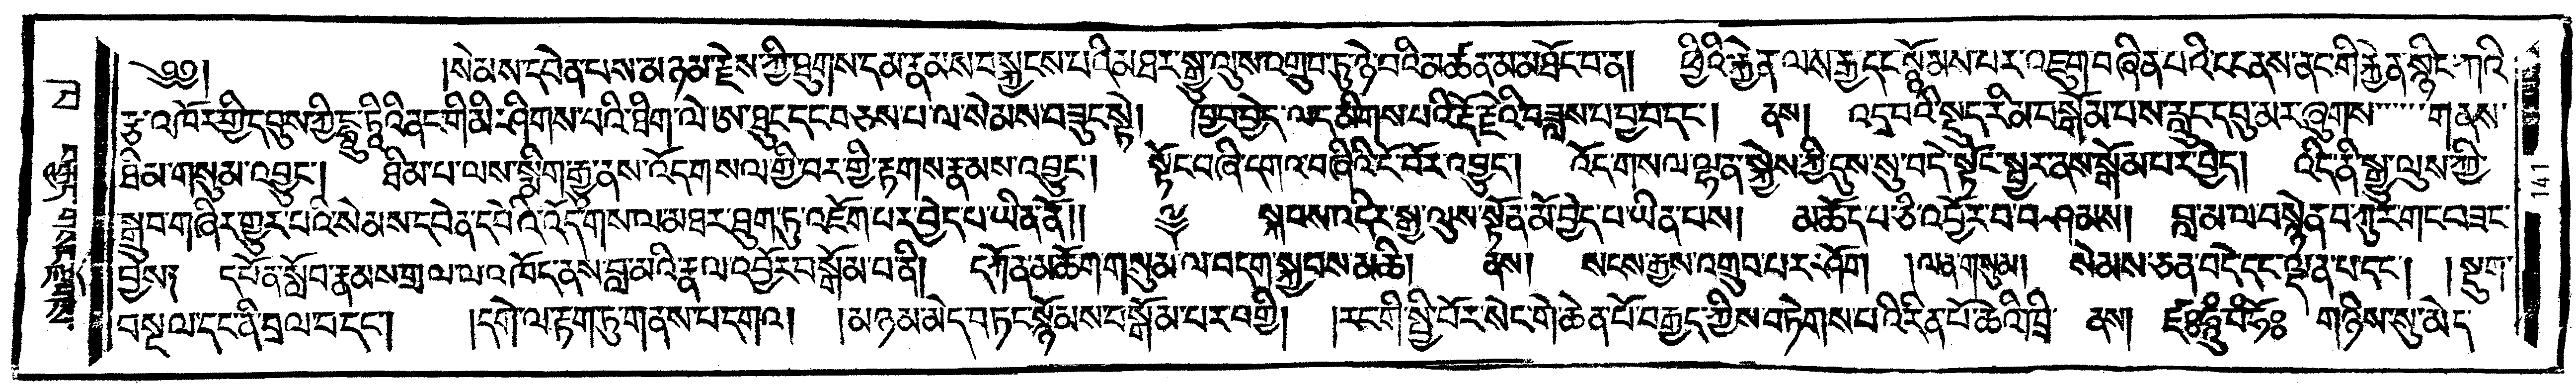༄༅། །སེམས་དབེན་པས་མཉམ་རྗེས་ཀྱི་ཐུགས་དམ་རྣམས་བསྐྱངས་པའི་མཐར་སྒྱུ་ལུས་འགྲུབ་ཏུ་ཉེ་བའི་མཚན་མ་མཐོང་བ་ན། ཕྱིའི་རྐྱེན་ལས་རྒྱ་དང་སྙོམས་པར་འཇུག་བཞིན་པའི་ངང་ནས་ནང་གི་རྐྱེན་སྙིང་ཀའི་
རྩ་འཁོར་གྱི་དབུས་ཀྱི་དྷཱུ་ཏཱིའི་ནང་གི་མི་ཤིགས་པའི་ཐིག་ལེ་ཨ་ཐུང་དང་བཅས་པ་ལ་སེམས་བཟུང་སྟེ། ཁྱབ་བྱེད་ལ་དམིགས་པའི་རྡོ་རྗེའི་བཟླས་པ་བྱ་བ་དང་། ནས། འདྲ་བའི་སྡུད་རིམ་བསྒོམ་པས་རླུང་དབུ་མར་ཞུགས་གནས་
ཐིམ་གསུམ་འབྱུང་། ཐིམ་པ་ལས་སྨིག་རྒྱུ་ནས་འོད་གསལ་གྱི་བར་གྱི་རྟགས་རྣམས་འབྱུང་། སྟོང་བཞི་དགའ་བཞིའི་ངོ་བོར་འབྱུང་། འོད་གསལ་ལྷན་སྐྱེས་ཀྱི་དུས་སུ་བདེ་སྟོང་སྦྱར་ནས་སྒོམ་པར་བྱེད། འདི་ནི་སྒྱུ་ལུས་ཀྱི་
སྒྲུབ་གཞིར་གྱུར་པའི་སེམས་དབེན་དཔེའི་འོད་གསལ་མཐར་ཐུག་ཏུ་འཇོག་པར་བྱེད་པ་ཡིན་ནོ།། ༈ སྐབས་འདིར་སྒྱ་ལུས་སྟོན་མོ་བྱེད་པ་ཡིན་པས། མཆོད་པ་ཅི་འབྱོར་བ་བཤམས། བླ་མ་ལ་བསྙེན་བ་ཀུར་གང་བཟང་
བྱས༑ དཔོན་སློབ་རྣམས་གྲལ་ལ་འཁོད་ནས་བླ་མའི་རྣལ་འབྱོར་བསྒོམ་པ་ནི། དཀོན་མཆོག་གསུམ་ལ་བདག་སྐྱབས་མཆི། ནས། སངས་རྒྱས་འགྲུབ་པར་ཤོག །ལན་གསུམ། སེམས་ཅན་བདེ་དང་ལྡན་པ་དང་། །སྡུག་
བསྔལ་དང་ནི་བྲལ་བ་དང་། །དགེ་ལ་རྟག་ཏུ་གནས་པ་དགའ། །མཉམ་མེད་བཏང་སྙོམས་བསྒོམ་པར་བགྱི། །རང་གི་སྤྱི་བོར་སེང་གེ་ཆེན་པོ་བརྒྱད་ཀྱིས་བཏེགས་པའི་རིན་པོ་ཆེའི་ཁྲི་ནས། ཛཿ ཧཱུཾ་བཾ་ཧོཿ གཉིས་སུ་མེད་